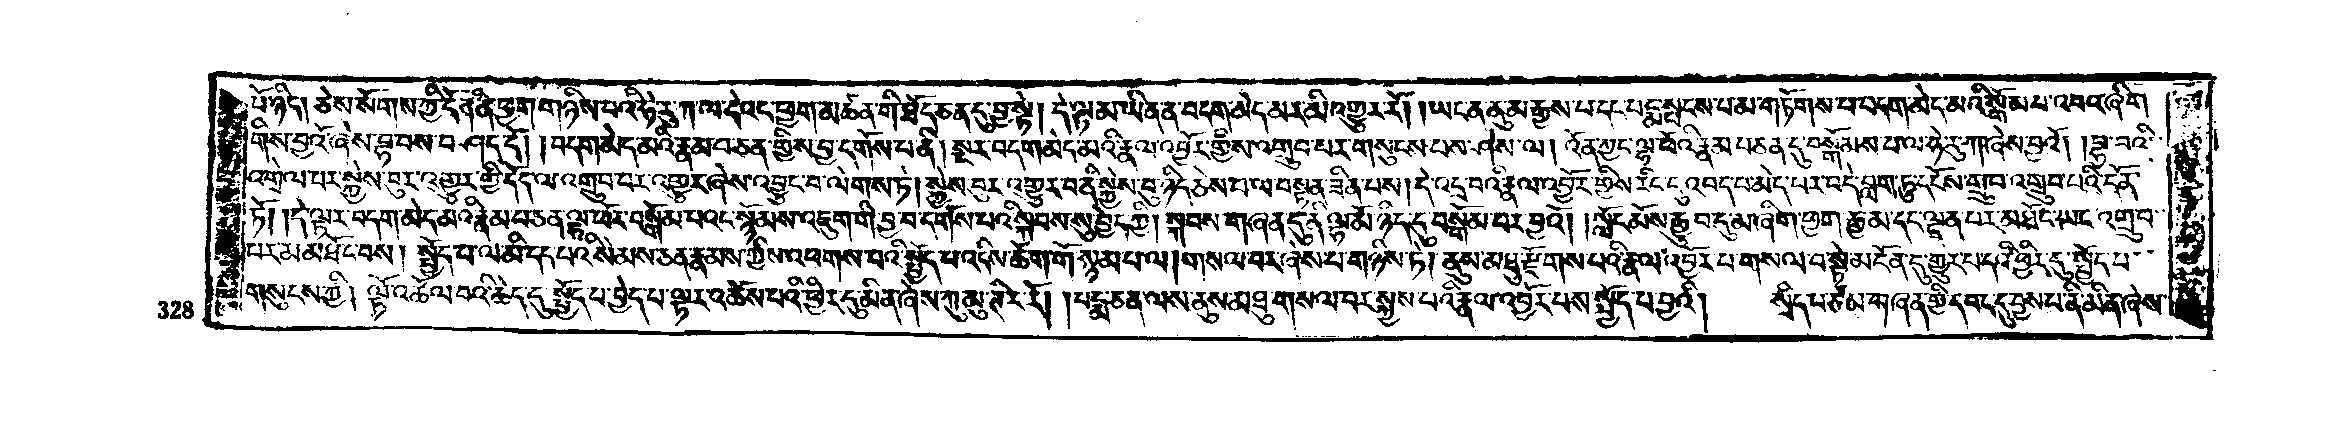པོ་ཉིད། ཅེས་སོགས་ཀྱི་དོན་ནི་ཕྱག་གཉིས་པའི་ཧེ་རུ་ཀ་ལ་དེའང་ཕྱག་མཚན་གི་ཐོད་ཅན་དུ་བྱ་སྟེ། དེ་ལྟ་མ་ཡིན་ན་བདག་མེད་མར་མི་འགྱུར་རོ། །ཡང་ན་ནུ་མ་རྒྱས་པ་དང་པདམ་སྤངས་པ་མ་གཏོགས་པ་བདག་མེད་མའི་སྒོམ་པ་འབའ་ཞིག་
གིས་བྱའོ་ཞེས་བྷ་བས་བཤད་དོ། །བདག་མེད་མའི་རྣམ་པ་ཅན་གྱིས་བྱ་དགོས་པ་ནི། སྔར་བདག་མེད་མའི་རྣལ་འབྱོར་གྱིས་འགྲུབ་པར་གསུངས་པས་ཤེས་ལ། འོན་ཀྱང་ལྷ་ཕོའི་རྣམ་པ་ཅན་དུ་བསྒོམས་པ་ལ་ཧེ་རུ་ཀ་ཞེས་བྱའོ། །བྷ་བའི་
འགྲེལ་པར་སྐྱེས་བུར་འགྱུར་གྱི་དོད་ལ་འགྲུབ་པར་འགྱུར་ཞེས་འབྱུང་བ་ལེགས་ཏེ། སྐྱེས་བུར་འགྱུར་བ་ནི་སྐྱེས་བུ་ཉིད་ཅེས་པ་ལ་བསྟན་ཟིན་པས། དེ་འདྲ་བའི་རྣལ་འབྱོར་གྱིས་རིང་དུ་འབད་པ་མེད་པར་བདེ་བླག་ཏུ་དངོས་གྲུབ་འགྲུབ་པའི་དོན་
ཏོ། །དེ་ལྟར་བདག་མེད་མའི་རྣམ་པ་ཅན་ལྷ་ཕོར་བསྒོམ་པའང་སྙོམས་འཇུག་གི་བྱ་བ་དགོས་པའི་སྐབས་སུ་བྱེད་ཀྱི། སྐབས་གཞན་དུ་ནི་ལྷ་མོ་ཉིད་དུ་བསྒོམ་པར་བྱའོ། །སློང་མོས་རྒྱུ་བ་དུ་མ་ཞིག་ཕྱག་རྒྱ་མ་དང་ལྡན་པར་མཐོང་ཡང་འགྲུབ་
པར་མ་མཐོང་བས། སྤྱོད་པ་ལ་མི་དད་པའི་སེམས་ཅན་རྣམས་ཀྱིས་འཕགས་པའི་སྤྱོད་པ་འདིས་ཆོག་གོ་སྙམ་པ་ལ། གསལ་བར་ཞེས་པ་གཉིས་ཏེ། ནུས་མཐུ་རྫོགས་པའི་རྣལ་འབྱོར་པ་གསལ་བ་སྟེ་མངོན་དུ་གྱུར་པ་དེའི་ཕྱིར་དུ་སྤྱོད་པ་
གསུངས་ཀྱི། ལྟོ་འཚོལ་བའི་ཆེད་དུ་སྤྱོད་པ་བྱེད་པ་ལྟར་འཆོས་?་པའི་ཕྱིར་དུ་མིན་ཞེས་ཀུ་མུ་ཊིར་རོ། །པདམ་ཅན་ལས་ནུས་མཐུ་གསལ་བར་སྐྱེས་པའི་རྣལ་འབྱོར་པས་སྤྱོད་པ་བྱའི། སྲིད་པ་ཙམ་གཞན་གྱི་དབང་དུ་བྱས་པ་ནི་མིན་ཞེས་